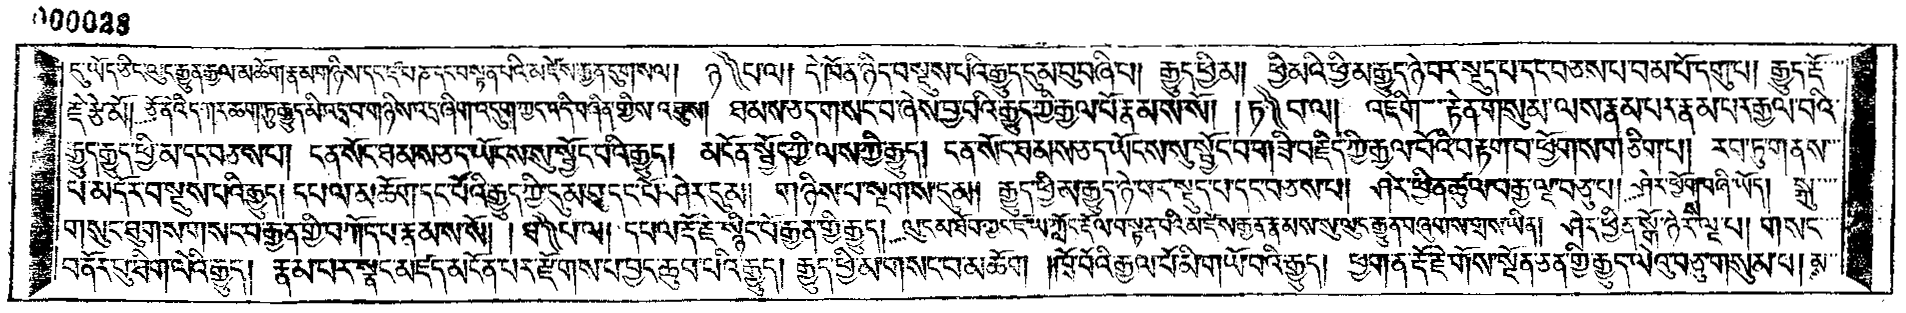དུ་ཡོད་ཅིང་ལུང་རྒྱུན་རྒྱལ་མཆོག་རྣམ་གཉིས་དང་ཛ་པཎ་དང་བསྟན་པའི་མཛེས་རྒྱན་དུ་གསལ། ཉ༼༽ པ་ལ། དེ་ཁོ་ན་ཉིད་བསྡུས་པའི་རྒྱུད་དུམ་བུ་བཞི་པ། རྒྱུད་ཕྱི་མ། ཕྱི་མའི་ཕྱི་མ་རྒྱུད་ཉེ་བར་སྡུད་པ་དང་བཅས་པ་བམ་པོ་དགུ་པ། རྒྱུད་རྡོ་
རྗེ་རྩེ་མོ་ཅོ་ནེའི་དཀར་ཆག་ཏུ་རྒྱུད་མི་འདྲ་བ་གཉིས་འདྲ་ཞིག་འདུག་ཀྱང་འདི་བཞིན་གྱིས་འཐུས།  ཐམས་ཅད་གསང་བ་ཞེས་བྱ་བའི་རྒྱུད་ཀྱི་རྒྱལ་པོ་རྣམས་སོ། །ཏ༼༽ བ་ལ། འཇིག་རྟེན་གསུམ་ལས་རྣམ་པར་རྣམ་པར་རྒྱལ་བའི་
རྒྱུད་རྒྱུད་ཕྱི་མ་དང་བཅས་པ། ངན་སོང་ཐམས་ཅད་ཡོངས་སུ་སྦྱོང་བའི་རྒྱུད། མངོན་སྤྱོད་ཀྱི་ལས་ཀྱི་རྒྱུད། ངན་སོང་ཐམས་ཅད་ཡོངས་སུ་སྦྱོད་པ་གཟི་བརྗིད་ཀྱི་རྒྱལ་པོའི་བརྟག་བ་ཕྱོགས་གཅིག་པ། རབ་ཏུ་གནས་
པ་མདོར་བསྡུས་པའི་རྒྱུད། དཔལ་མཆོག་དང་པོའི་རྒྱུད་ཀྱི་དུམ་བུ་དང་པོ་ཤེར་དུ་མ། གཉིས་པ་སྔགས་དུ་མ། རྒྱུད་ཕྱི་མ་རྒྱུད་ཉེ་བར་སྡུད་པ་དང་བཅས་པ། ཤེར་ཕྱིན་ཚུལ་བརྒྱ་ལྔ་བཅུ་པ། ཤེར་ཕྱོགས་བཞི་ཡོད། སྐུ་
གསུང་ཐུགས་གསང་བ་རྒྱན་གྱི་བཀོད་པ་རྣམས་སོ། །ཐ༼༽ པ་ལ། དཔལ་རྡོ་རྗེ་སྙིང་པོ་རྒྱན་གྱི་རྒྱུད། ལུང་མ་ཐོབ་ཀྱང་ཛ་ཡ་ཀློང་རྡོལ་བསྟན་པའི་མཛེས་རྒྱན་རྣམས་སུ་ལུང་རྒྱུན་བཞུགས་གྲས་ཡིན།  ཤེར་ཕྱིན་སྒོ་ཉེར་ལྔ་པ། གསང་
བ་ནོར་བུ་ཐིག་ལེའི་རྒྱུད། རྣམ་པར་སྣང་མཛད་མངོན་པར་རྫོགས་པ་བྱང་ཆུབ་པའི་རྒྱུད། རྒྱུད་ཕྱི་མ་གསང་བ་མཆོག །ཁྲོ་བོའི་རྒྱལ་པོ་མི་གཡོ་བའི་རྒྱུད། ཕྱག་ན་རྡོ་རྗེ་གོས་སྔོན་ཅན་གྱི་རྒྱུད་ལེའུ་བཅུ་གསུམ་པ། མས་